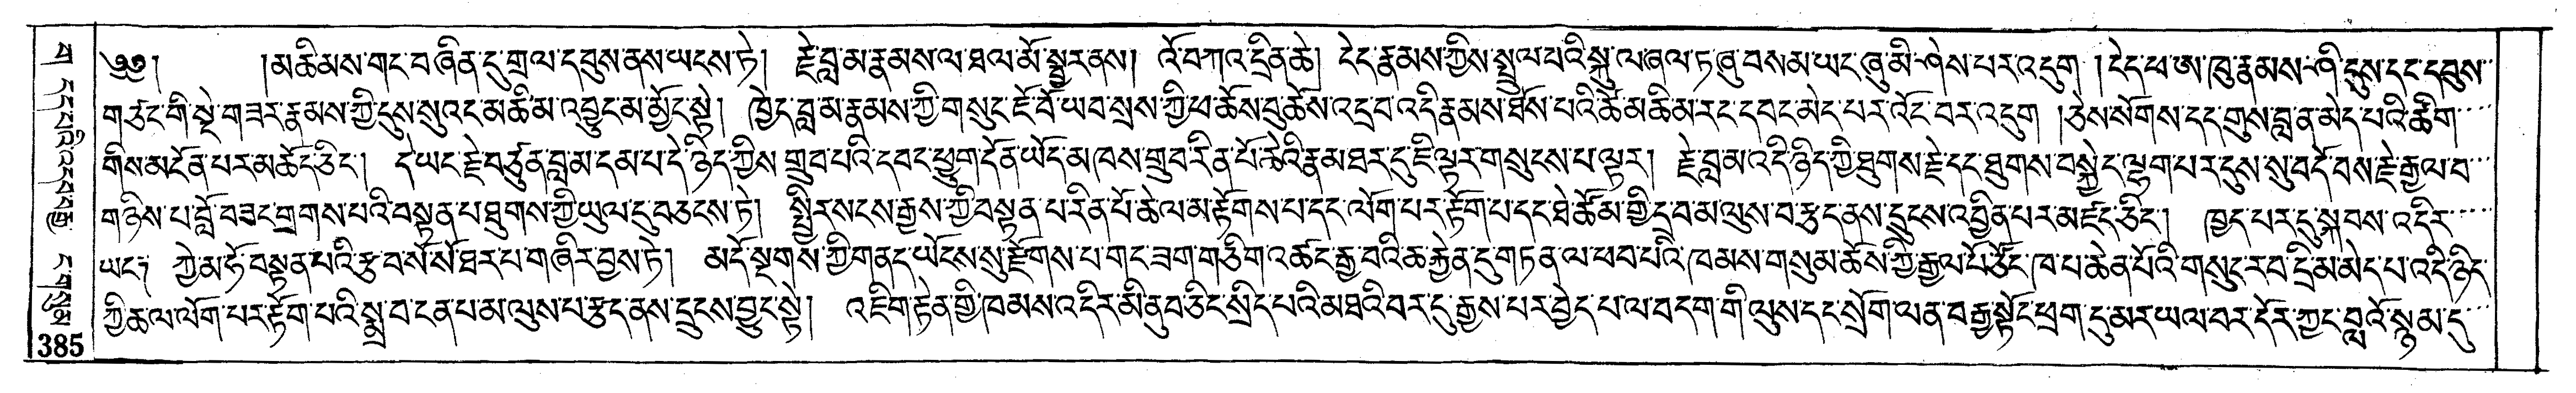༄༅། །མཆིམས་གང་བཞིན་དུ་གྲལ་དབུས་ནས་ལངས་ཏེ། རྗེ་བླ་མ་རྣམས་ལ་ཐལ་མོ་སྦྱར་ནས། འོ་བཀའ་དྲིན་ཆེ། ངེད་རྣམས་ཀྱིས་སྤྲུལ་པའི་སྐུ་ལ་ཞལ་ཏ་ཞུ་བསམ་ཡང་ཞུ་མི་ཤེས་པར་འདུག །དེད་པ་ཨ་ཁུ་རྣམས་ཤི་དུས་དང་དབུས་
གཙང་གི་སྡེ་གཟར་རྣམས་ཀྱི་དུས་སུའང་མཆིམ་འབྱུང་མ་མྱོང་སྟེ། ཁྱེད་བླ་མ་རྣམས་ཀྱི་གསུང་ཇོ་བོ་ཡབ་སྲས་ཀྱི་ཕ་ཆོས་བུ་ཆོས་འདྲ་བ་འདི་རྣམས་ཐོས་པའི་ཚམ་ཆིམ་རང་དབང་མེད་པར་འོང་བར་འདུག །ཅེས་སོགས་དད་གུས་བླ་ན་མེད་པའི་ཚིག་
གིས་མངོན་པར་མཆོད་ཅིང་། དེ་ཡང་རྗེ་བཙུན་བླ་མ་དམ་པ་དེ་ཉིད་ཀྱིས་གྲུབ་པའི་དབང་ཕྱུག་དོན་ཡོད་མཁས་གྲུབ་རིན་པོ་ཆེའི་རྣམ་ཐར་དུ་ཇི་ལྟར་གསུངས་པ་ལྟར། རྗེ་བླ་མ་འདི་ཉིད་ཀྱི་ཐུགས་རྗེ་དང་ཐུགས་བསྐྱེད་ལྷག་པར་དུས་སུ་བོད་བས་རྗེ་རྒྱལ་བ་
གཉིས་པ་བློ་བཟང་གྲགས་པའི་བསྟན་པ་ཐུགས་ཀྱི་ཡུལ་དུ་བཅངས་ཏེ། སྤྱིར་སངས་རྒྱས་ཀྱི་བསྟན་པ་རིན་པོ་ཆེ་ལ་མ་རྟོགས་པ་དང་ལོག་པར་རྟོག་པ་དང་ཐེ་ཚོམ་གྱི་དྲ་བ་མ་ལུས་པ་རྩད་ནས་དྲུངས་འབྱིན་པར་མཛད་ཅིང་། ཁྱད་པར་དུ་སྐབས་འདི་
ཡང༑ ཀྱེ་མ་ཧོ་བསྟན་པའི་རྩ་བ་སོ་སོ་ཐར་བ་གཞིར་བྱས་ཏེ། མདོ་སྔགས་ཀྱི་གནད་ཡོངས་སུ་རྫོགས་པ་གང་ཟག་གཅིག་འཚང་རྒྱ་བའི་ཆ་རྐྱེན་དུ་གཏན་ལ་ཕབ་པའི་ཁམས་གསུམ་ཆོས་ཀྱི་རྒྱལ་པོ་ཙོང་ཁ་པ་ཆེན་པོའི་གསུང་རབ་དྲི་མ་མེད་པ་འདི་ཉིད་
ཀྱི་ཆ་ལ་ལོག་པར་རྟོག་པའི་སྨྲ་བ་ངན་པ་མ་ལུས་བརྩད་ནས་དྲུངས་ཕྱུང་སྟེ། འཇིག་རྟེན་གྱི་ཁམས་འདིར་མི་ནུབ་ཅིང་སྲིད་པའི་མཐའི་བར་དུ་རྒྱས་པར་བྱེད་བ་ལ་བདག་གི་ལུས་དང་སྲོག་ལན་བརྒྱ་སྟོང་ཕྲག་དུ་མར་ཡལ་བར་དོར་ཀྱང་བླའོ་སྙམ་དུ་